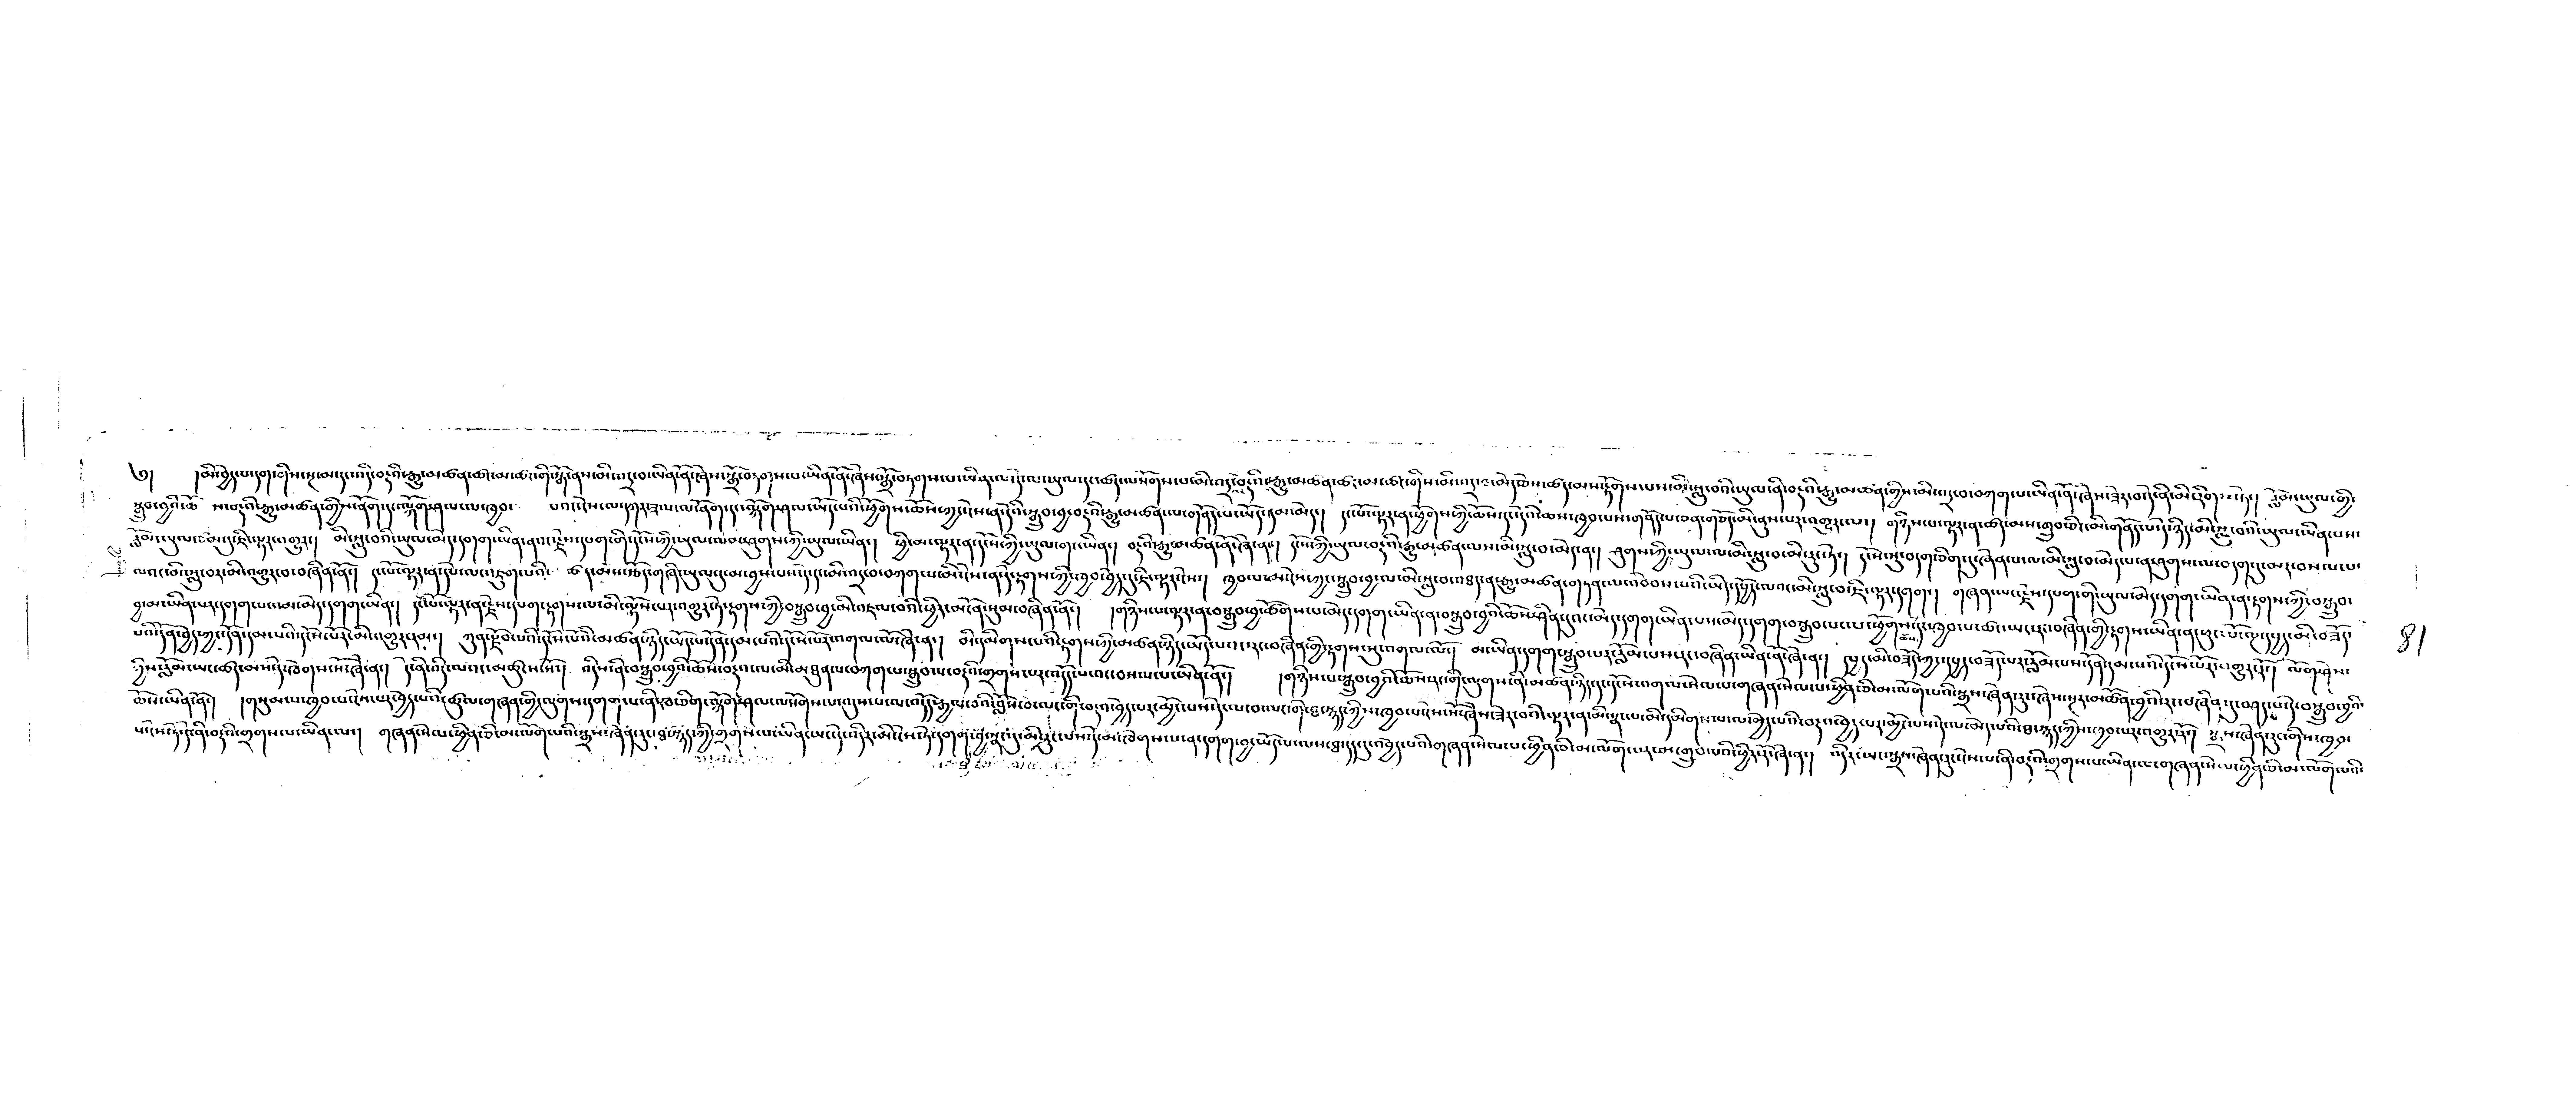༈། །མི་བྱེད་པ་དག་གིས་སྔ་མ་དང་འདི་བརྡའི་རྒྱུ་མཚན་ཚང་མ་ཚང་གི་སྒོ་ནས་མི་འདྲ་བ་ཡིན་ནོ་ཞེས་སྒྲོ་བཏགས་པ་ཡིན་ནོ་ཞེས་སྒྲོ་བཏགས་པ་ཡིན་ལ་དེ་ལ་ཡུལ་དང་ཚད་ལ་སོགས་པ་མི་འདྲ་བ་བརྡའི་རྒྱུ་མཚན་ཚང་མ་ཚང་གིས་མི་འདྲ་བ་མེད་ཅེས་ཚད་མས་རྟོགས་པས་མི་སླུ་བའི་ཡུལ་ནི་བརྡའི་རྒྱུ་མཚན་གྱིས་མི་འདྲ་བ་བཀག་པ་ཡིན་ནོ་ཞེས་ཟེར་བ་དེ་ནི་མི་རིགས་ཏེ། རློམ་ཡུལ་གྱི་
སྒྲུབ་བྱའི་ཆོས་བརྡའི་རྒྱུ་མཚན་གྱིས་ནོག་དང་ལྐོག་ཤལ་ལ་ཁྱབ་པའང་ངེས་ལ་དཀར་ཟལ་ལ་ནོག་དང་ལྐོག་ཤལ་ཡོད་པའི་ཕྱོགས་ཆོས་ཀྱང་ངེས་ན་དེའི་སྒྲུབ་བྱ་བརྡའི་རྒྱུ་མཚན་ལ་གནོད་པ་ཡོད་དམ་མེད། དང་པོ་ལྟར་ན་ཕྱོགས་ཀྱི་ཆོས་དང་དེའི་ཆས་ཁྱབ་པས་གནོད་པ་ཅན་གཅོད་མི་ནུས་པར་འགྱུར་ལ། གཉིས་པ་ལྟར་ན་ཚད་མས་གྲུབ་ཅིང་མི་གནོད་པ་དེ་ཉིད་མི་སླུ་བའི་ཡུལ་ཡིན་པས་
རློམ་ཡུལ་ཙམ་དུ་ཇི་ལྟར་འགྱུར། མི་སླུ་བའི་ཡུལ་མེད་དགག་ཡིན་ནའང་རྗེས་དཔག་གི་དངོས་ཀྱི་ཡུལ་ལམ་ཤུགས་ཀྱི་ཡུལ་ཡིན། ཕྱི་མ་ལྟར་ན་དངོས་ཀྱི་ཡུལ་གང་ཡིན། བརྡའི་རྒྱུ་མཚན་ནོ་ཞེ་ན། དངོས་ཀྱི་ཡུལ་བརྡའི་རྒྱུ་མཚན་ལས་མི་སླུ་བ་མེད་ན། ཤུགས་ཀྱི་ཡུལ་ལ་མི་སླུ་བ་མི་རུང་ཏེ། དངོས་སུ་བདག་ཅིག་དུ་ཞེན་པ་ལ་མི་སླུ་བ་མེད་པ་ན་ཤུགས་ལ་བདག་དུ་མར་བསལ་པ་
ལའང་མི་སླུ་བར་མི་འགྱུར་བ་བཞིན་ནོ། དང་པོ་ལྟར་ན་དཔེ་ལ་འཇུག་པའི་ཚད་མས་རྩོད་གཞི་ཡུལ་དུ་མ་བྱས་པས་དེ་དང་མི་འདྲ་བ་བཀག་པ་མི་ངེས་ན་དེ་རྟགས་ཀྱི་ཁྱབ་བྱེད་དུ་ཇི་ལྟར་ངེས། ཁྱབ་པ་མ་ངེས་ཀྱང་སྒྲུབ་བྱ་ལ་མི་སླུ་བ་འཐད་ན་རྒྱུ་མཚན་གཏན་ལ་འབེབས་པའི་ཡིད་དཔྱོད་ལའང་མི་སླུ་བ་ཇི་ལྟར་དགག། གཞན་ཡང་རྗེས་དཔག་གི་ཡུལ་མེད་དགག་ཡིན་ན་རྟགས་ཀྱི་བསྒྲུབ་
བྱ་མ་ཡིན་པར་དགག་པ་འམ་མེད་དགག་ཡིན། དང་པོ་ལྟར་ན་རྗེས་དཔག་རྟགས་པ་མི་ལྟོས་པར་འགྱུར་ཏེ་རྟགས་ཀྱི་བསྒྲུབ་བྱ་མི་འཇལ་བའི་ཕྱིར་མངོན་སུམ་བཞིན་ནོ། །གཉིས་པ་ལྟར་ན་བསྒྲུབ་བྱ་ཚོགས་པ་མེད་དགག་ཡིན་ན་བསྒྲུབ་བྱའི་ཆོས་ཤིན་དུའང་མེད་དགག་ཡིན་པས་མེད་དགག་བསྒྲུབ་པ་ལ་ཕྱོགས་ཆོས་དང་ཁྱབ་པ་ཚང་ཡང་རང་བཞིན་གྱི་རྟགས་ཡིན་ན་ཕུང་པོ་ལྔ་དཔྱད་མི་བཟོད་
པའི་དོན་བྱེད་ཀྱང་དོན་དམ་པའི་དངོས་པོར་མི་འགྱུར་རམ། ཀུན་རྫོབ་པའི་དངོས་པོའི་མཚན་ཉིད་ཡོད་པ་དོན་དམ་པའི་དངོས་པོར་འགལ་ལོ་ཞེ་ན། མི་དམིགས་པའི་རྟགས་ཀྱི་མཚན་ཉིད་ཡོད་པའང་རང་བཞིན་གྱི་རྟགས་སུ་འགལ་ལོ། མ་ཡིན་དགག་སྒྲུབ་པར་རློམ་པས་རང་བཞིན་ཡིན་ནོ་ཞེ་ན། དཔྱད་མི་བཟོད་ཀྱང་དཔྱད་བཟོད་པར་རློམ་པས་དོན་དམ་པའི་དངོས་པོར་འགྱུར་རོ། ལོག་ཤེས་
ཀྱིས་རློམ་ཡང་ཚད་མས་དེ་ཁེགས་སོ་ཞེ་ན། དེ་ནི་འདི་ལའང་མཚུངས་སོ། འདིས་ནི་བསྒྲུབ་བྱའི་ཆོས་བརྡའ་ལ་མི་མཐུན་པ་བཀག་པ་སྒྲུབ་པ་བརྡའི་གྲགས་པར་འདོད་པ་འང་བསལ་པ་ཡིན་ནོ། །གཉིས་པ་སྒྲུབ་བྱའི་ཆོས་རང་གི་ལུགས་ནི་མཚན་ཉིད་དང་དངོས་འགལ་སེལ་པ་གཞན་སེལ་པ་ཕྱིན་ཅི་མ་ལོག་པའི་སྒྲས་ཞེན་རུང་ཞེས་སྔར་མཚོན་བྱའི་རང་བཞིན་དུ་བཤད་པ་དེ་བསྒྲུབ་བྱའི་
ཆོས་ཡིན་ནོ། །གསུམ་པ་ཁྱབ་པ་ངེས་པར་བྱེད་པའི་ཚུལ་གཞན་གྱི་ལུགས་དགག་པ་ནི་ཁ་ཅིག་ལྐོག་ཤལ་ལ་སོགས་པ་འདུས་པ་ལ་འདོད་རྒྱལ་བའི་བློས་བ་ལང་གི་བརྡའ་བྱེད་པར་མྱོང་པས་དེ་ལ་བ་ལང་གི་ཐ་སྙད་ཀྱིས་ཁྱབ་པ་ངེས་སོ་ཞེས་ཟེར་བའི་ལྟར་ན་མི་སྣང་པ་མི་དམིགས་པ་ལ་མེད་པའི་བརྡའ་བྱེད་པར་མྱོང་པས་དེ་ལ་མེད་པའི་ཐ་སྙད་ཀྱིས་ཁྱབ་པར་འགྱུར་རོ། སྒྲས་ཞེན་རུང་གིས་ཁྱབ་
པ་ངེས་ཏེ་དེ་ནི་བརྡའི་གྲགས་པ་ཡིན་ལ། གཞན་སེལ་ཕྱིན་ཅི་མ་ལོག་པའི་སྒྲས་ཞེན་རུང་ཐ་སྙད་ཀྱི་གྲགས་པ་ཡིན་ཡང་དེ་འདིར་མི་ངེས་ཏེ་དགག་བྱ་སྣང་དུ་མི་རུང་པས་དེ་མ་ཁེགས་པ་ན་དགག་བྱ་ཡོད་པ་ལས་ཐ་དད་དུ་འབྱེད་པའི་གཞན་སེལ་པ་ཕྱིན་ཅི་མ་ལོག་པར་མ་གྲུབ་པའི་ཕྱིར་རོ་ཞེ་ན། འདིར་ཡང་སྒྲས་ཞེན་རུང་ངེས་པ་ནི་བརྡའི་གྲགས་པ་ཡིན་ལ་གཞན་སེལ་ཕྱིན་ཅི་མ་ལོག་པའི་